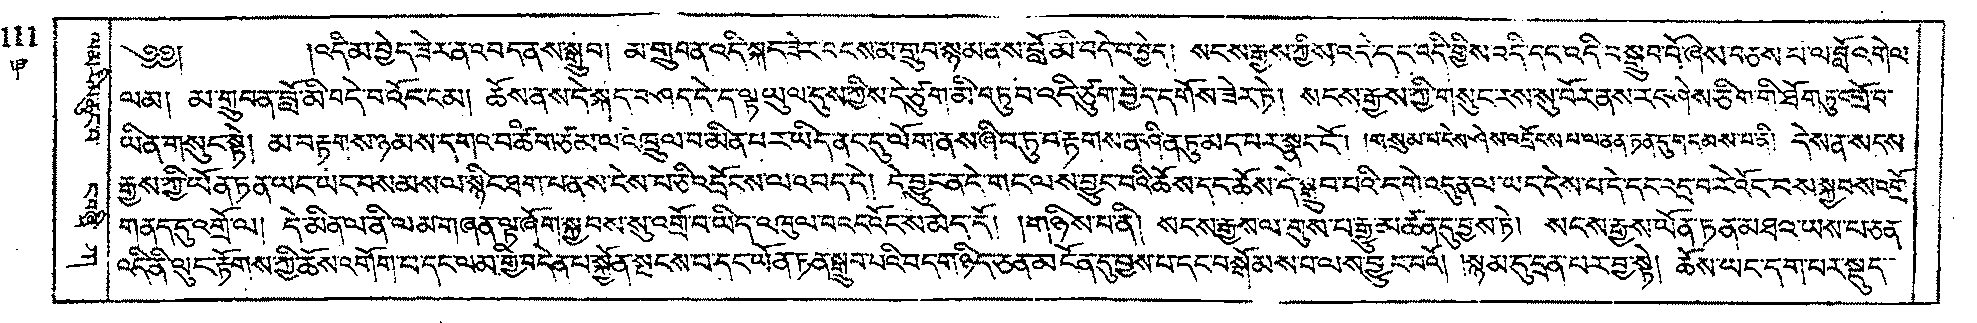༄༅། །འདི་མ་བྱེད་ཟེར་ན་འབད་ནས་སྒྲུབ། མ་གྲུབ་ན་འདི་སྐད་ཟེར་བ་ངེས་མ་གྲུབ་སྙམ་ནས་བློ་མི་བདེ་བ་བྱེད། སངས་རྒྱས་ཀྱིས་འདི་དང་འདི་གྱིས་འདི་དང་འདི་བསྒྲུབ་བོ་ཞེས་བཅས་པ་ལ་བློ་འགེལ་
ལམ། མ་གྲུབ་ན་བློ་མི་བདེ་བ་འོང་ངམ། ཆོས་ནས་དེ་སྐད་བཤད་དེ་ད་ལྟ་ཡུལ་དུས་ཀྱིས་དེ་ཙུག་མི་བཏུབ་འདི་ཙུག་བྱེད་དགོས་ཟེར་ཏེ། སངས་རྒྱས་ཀྱི་གསུང་རས་སུ་བོར་ནས་རང་ཤེས་ཅིག་གི་ཐོག་ཏུ་འགྲོ་བ་
ཡིན་གསུང་སྟེ། མ་བརྟགས་ཉམས་དགའ་བ་ཚིག་ཙམ་ལ་འཁྲུལ་བ་མིན་པར་ཡིད་ནང་དུ་ལོག་ནས་ཞིབ་ཏུ་བརྟགས་ན་ཤིན་ཏུ་མང་པར་སྣང་ངོ། ། གསུམ་པ་ངེས་ཤེས་འདྲོངས་པ་ལ་ནན་ཏན་དུ་གདམས་པ་ནི།  དེས་ན་སངས་
རྒྱས་ཀྱི་ཡོན་ཏན་ཡང་ཡང་བསམས་ལ་སྙིང་ཐག་པ་ནས་ངེས་པ་ཅི་འདྲོངས་ལ་འབད་དེ། དེ་བྱུང་ན་དེ་གང་ལས་བྱུང་བའི་ཆོས་དང་ཆོས་དེ་སྒྲུབ་པའི་དགེ་འདུན་ལ་ཡང་ངེས་པ་དེ་དང་འདྲ་བ་རེ་འོང་བས་སྐྱབས་འགྲོ་
གནད་དུ་འགྲོ་ལ། དེ་མིན་ལ་ནི་ལམ་གཞན་ལྟ་ཞོག་སྐྱབས་སུ་འགྲོ་བ་ཡིད་འཁུལ་བའང་འོང་ས་མེད་དོ། །གཉིས་པ་ནི། སངས་རྒྱས་ལ་གུས་པ་རྒྱུ་མཚན་དུ་བྱས་ཏེ། སངས་རྒྱས་ཡོན་ཏན་མཐའ་ཡས་པ་ཅན་
འདི་ནི་ལུང་རྟོགས་ཀྱི་ཆོས་འགོག་པ་དང་ལམ་གྱི་བདེན་པ་སྐྱོན་སྤངས་པ་དང་ཡོན་ཏན་སྒྲུབ་པའི་བདག་ཉིད་ཅན་མངོན་དུ་བྱས་པ་དང་བསྒོམས་པ་ལས་བྱུང་བའོ། །སྙམ་དུ་དྲན་པར་བྱ་སྟེ། ཆོས་ཡང་དག་པར་སྡུད་